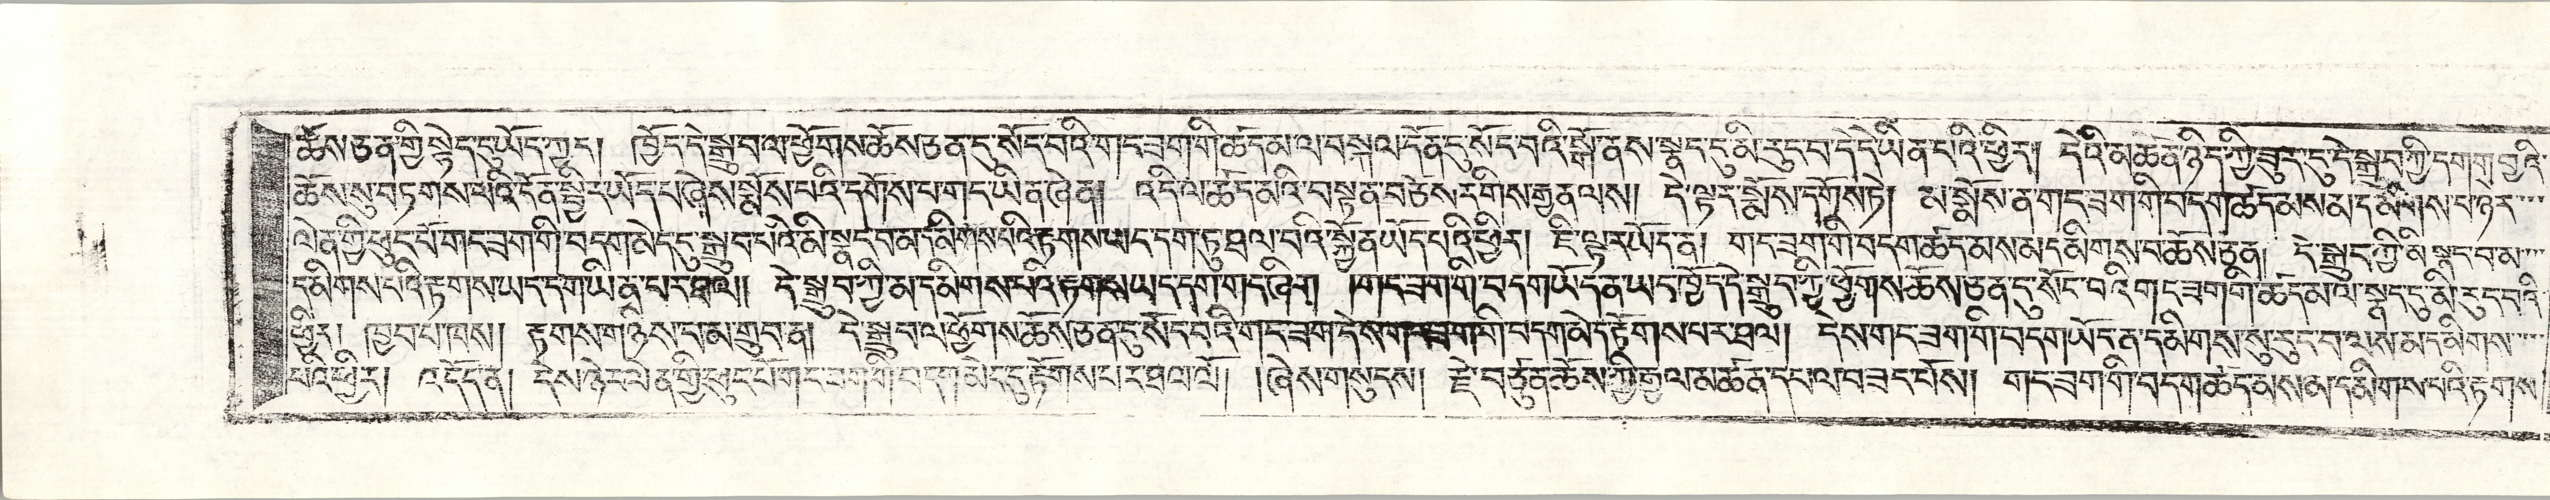ཆོས་ཅན་གྱི་སྟེང་དུ་ཡོད་ཀྱང་། ཁྱོད་དེ་སྒྲུབ་ལ་ཕྱོགས་ཆོས་ཅན་དུ་སོང་བའི་གང་ཟག་གི་ཚད་མས་བསྐལ་དོན་དུ་སོང་བའི་སྒོ་ནས་སྣང་དུ་མི་རུང་བ་དེ་དེ་ཡིན་པའི་ཕྱིར། དེའི་མཚན་ཉིད་ཀྱི་ཟུར་དུ་དེ་སྒྲུབ་ཀྱི་དགག་བྱའི་
ཆོས་སུ་བཏགས་པའི་དོན་སྤྱིར་ཡོད་པ་ཞེས་སྨོས་པའི་དགོས་པ་གང་ཡིན་ཞེ་ན། འདི་ལ་ཚད་མའི་བསྟན་བཅོས་རིགས་རྒྱན་ལས། དེ་ལྟར་སྨོས་དགོས་ཏེ། མ་སྨྲས་ན་གང་ཟག་གི་བདག་ཚད་མས་མ་དམིགས་པ་ཉེར་
ལེན་གྱི་ཕུང་བོ་གང་ཟག་གི་བདག་མེད་དུ་སྒྲུབ་པའི་མི་སྣང་བ་མ་དམིགས་པའི་རྟགས་ཡང་དག་ཏུ་ཐལ་བའི་སྐྱོན་ཡོད་པའི་ཕྱིར། ཇི་ལྟར་ཡོད་ན། གང་ཟག་གི་བདག་ཚད་མས་མ་དམིགས་པ་ཆོས་ཅན། དེ་སྒྲུབ་ཀྱི་མི་སྣང་བ་མ་
དམིགས་པའི་རྟགས་ཡང་དག་ཡིན་པར་ཐལ། དེ་སྒྲུབ་ཀྱི་མ་དམིགས་པའི་རྟགས་ཡང་དག་གང་ཞིག །གང་ཟག་གི་བདག་ཡོད་ན་ཡང་ཁྱོད་དེ་སྒྲུབ་ཀྱི་ཕྱོགས་ཆོས་ཅན་དུ་སོང་བའི་གང་ཟག་གི་ཚད་མ་ལ་སྣང་དུ་མི་རུང་བའི་
ཕྱིར། ཁྱབ་པ་ཁས། རྟགས་གཉིས་པ་མ་གྲུབ་ན། དེ་སྒྲུབ་ལ་ཕྱོགས་ཆོས་ཅན་དུ་སོང་བའི་གང་ཟག་དེས་གང་ཟག་གི་བདག་མེད་རྟོགས་པར་ཐལ། དེས་གང་ཟག་གི་བདག་ཡོད་ན་དམིགས་སུ་རུང་བ་ལས་མ་དམིགས་
པའི་ཕྱིར། འདོད་ན། དེས་ཉེར་ལེན་གྱི་ཕུང་པོ་གང་ཟག་གི་བདག་མེད་དུ་རྟོགས་པར་ཐལ་ལོ། །ཞེས་གསུངས། རྗེ་བཙུན་ཆོས་ཀྱི་རྒྱལ་མཚན་དཔལ་བཟང་པོས། གང་ཟག་གི་བདག་ཚད་མས་མ་དམིགས་པའི་རྟགས་